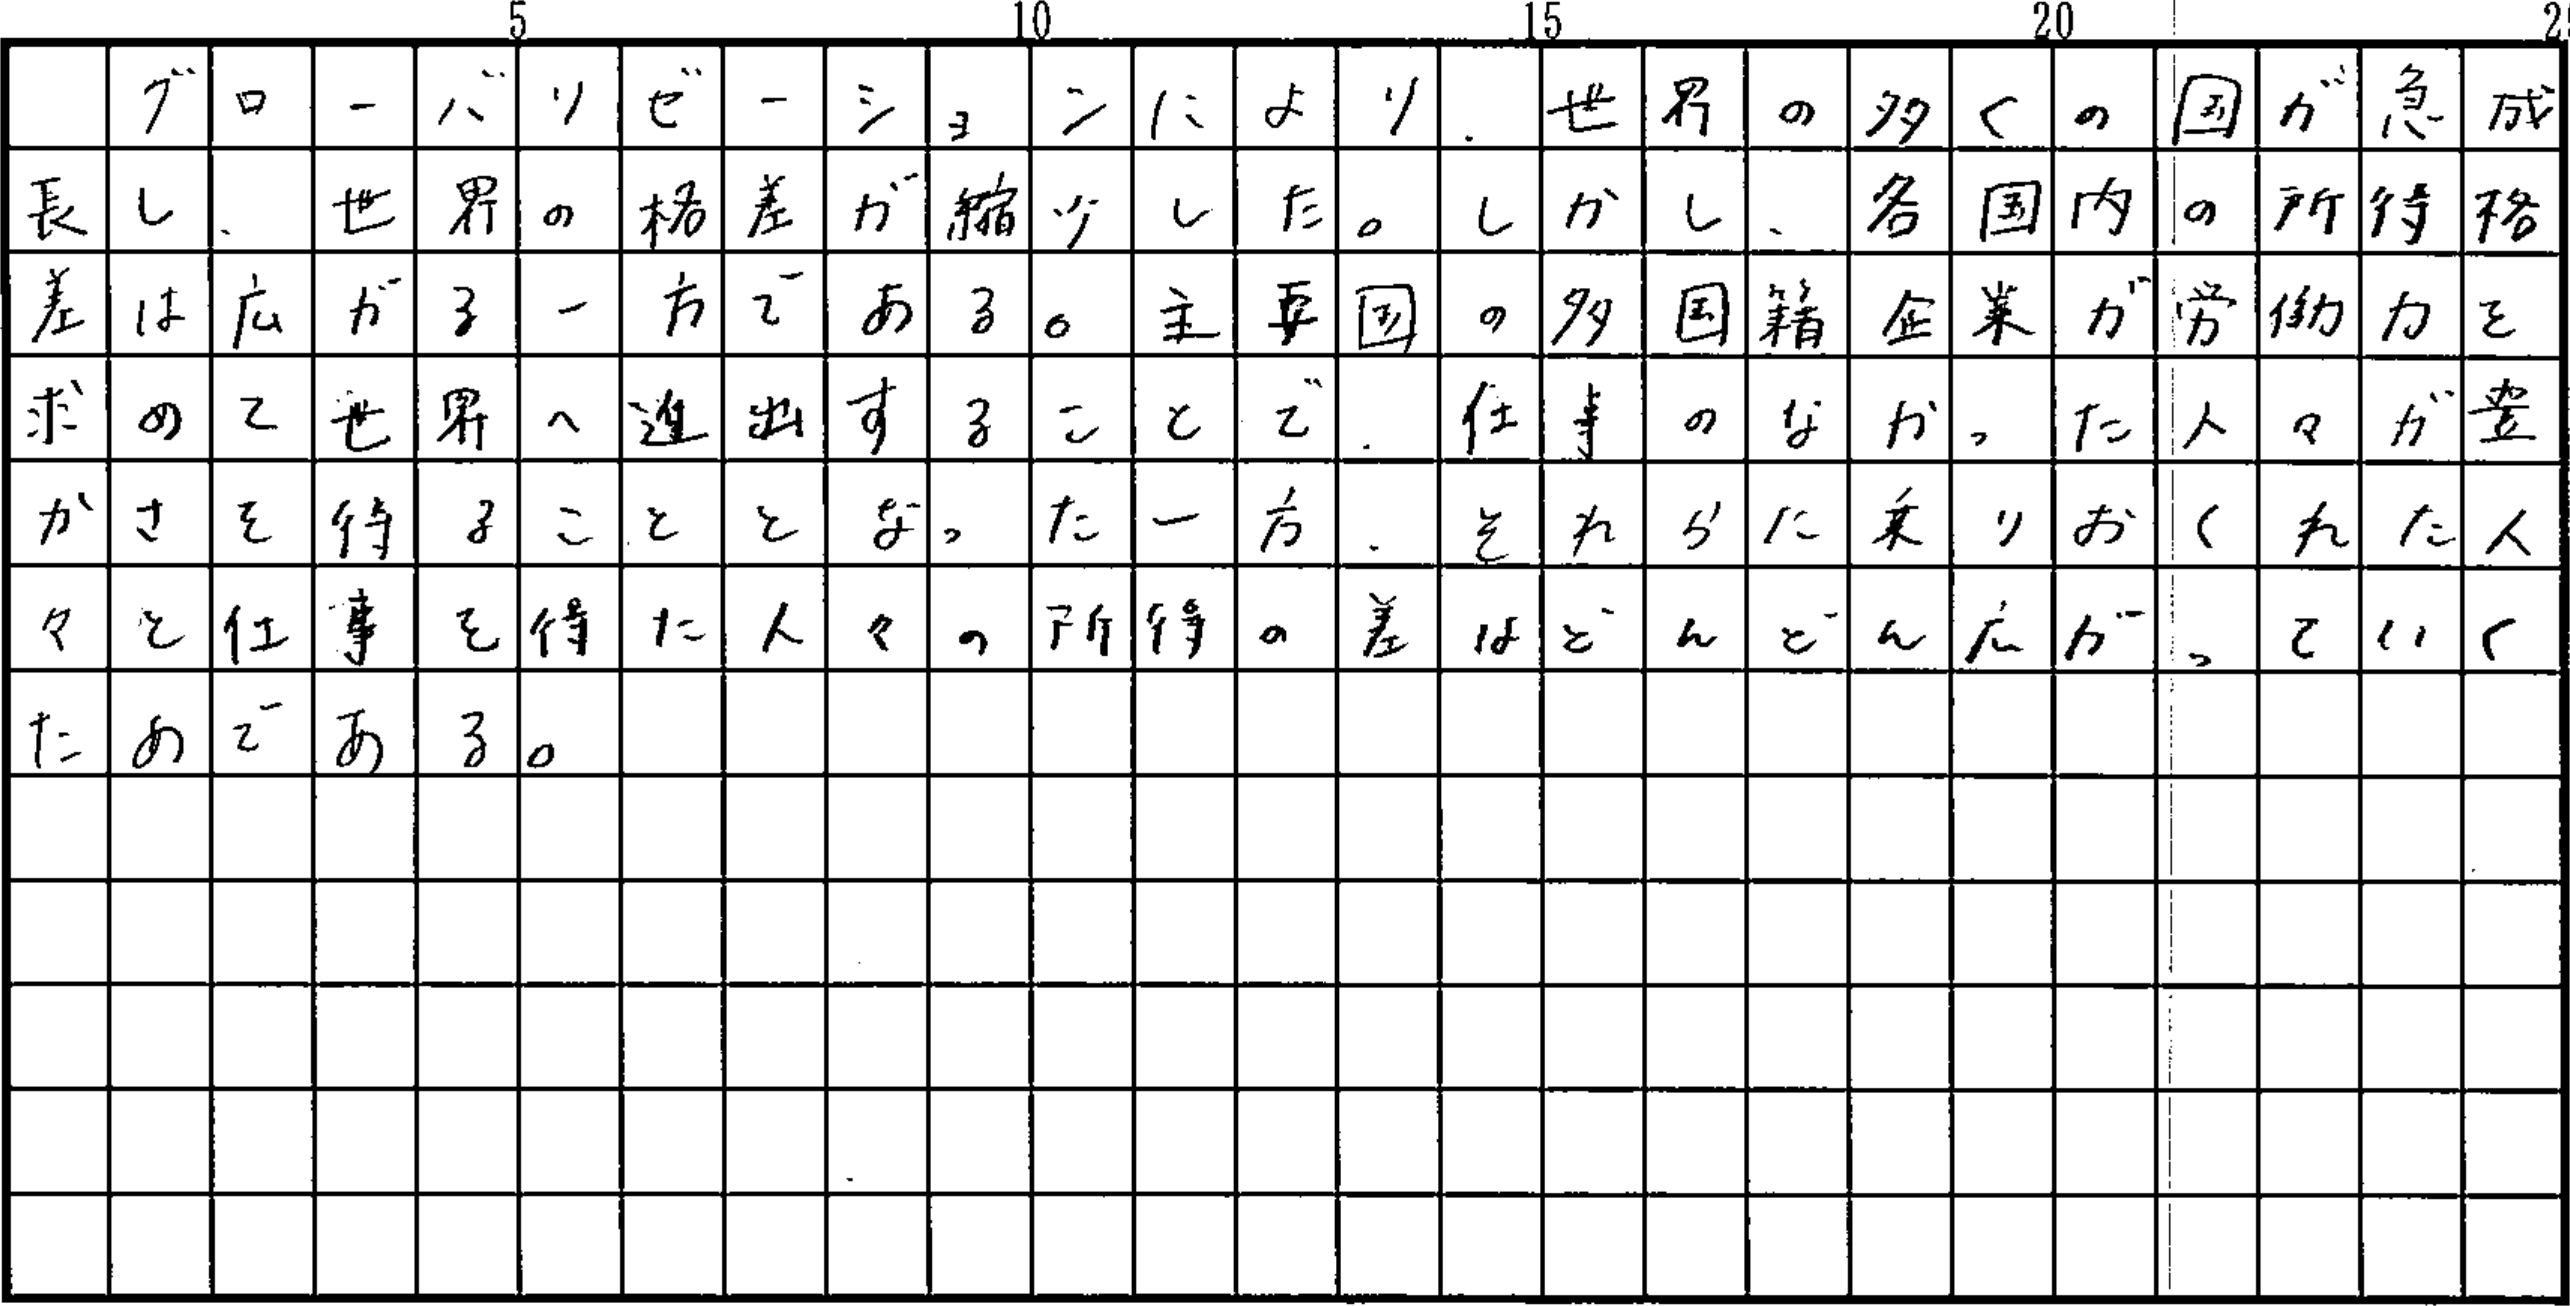　グローバリゼーションにより、世界の多くの国が急成長し、世界の格差が縮少した。しかし、各国内の所得格差は広がる一方である。主要国の多国籍企業が労働力を求めて世界へ進出することで、仕事のなかった人々が豊かさを得ることとなった一方、それらに乗りおくれた人々と仕事を得た人々の所得の差はどんどん広がっていくためである。
